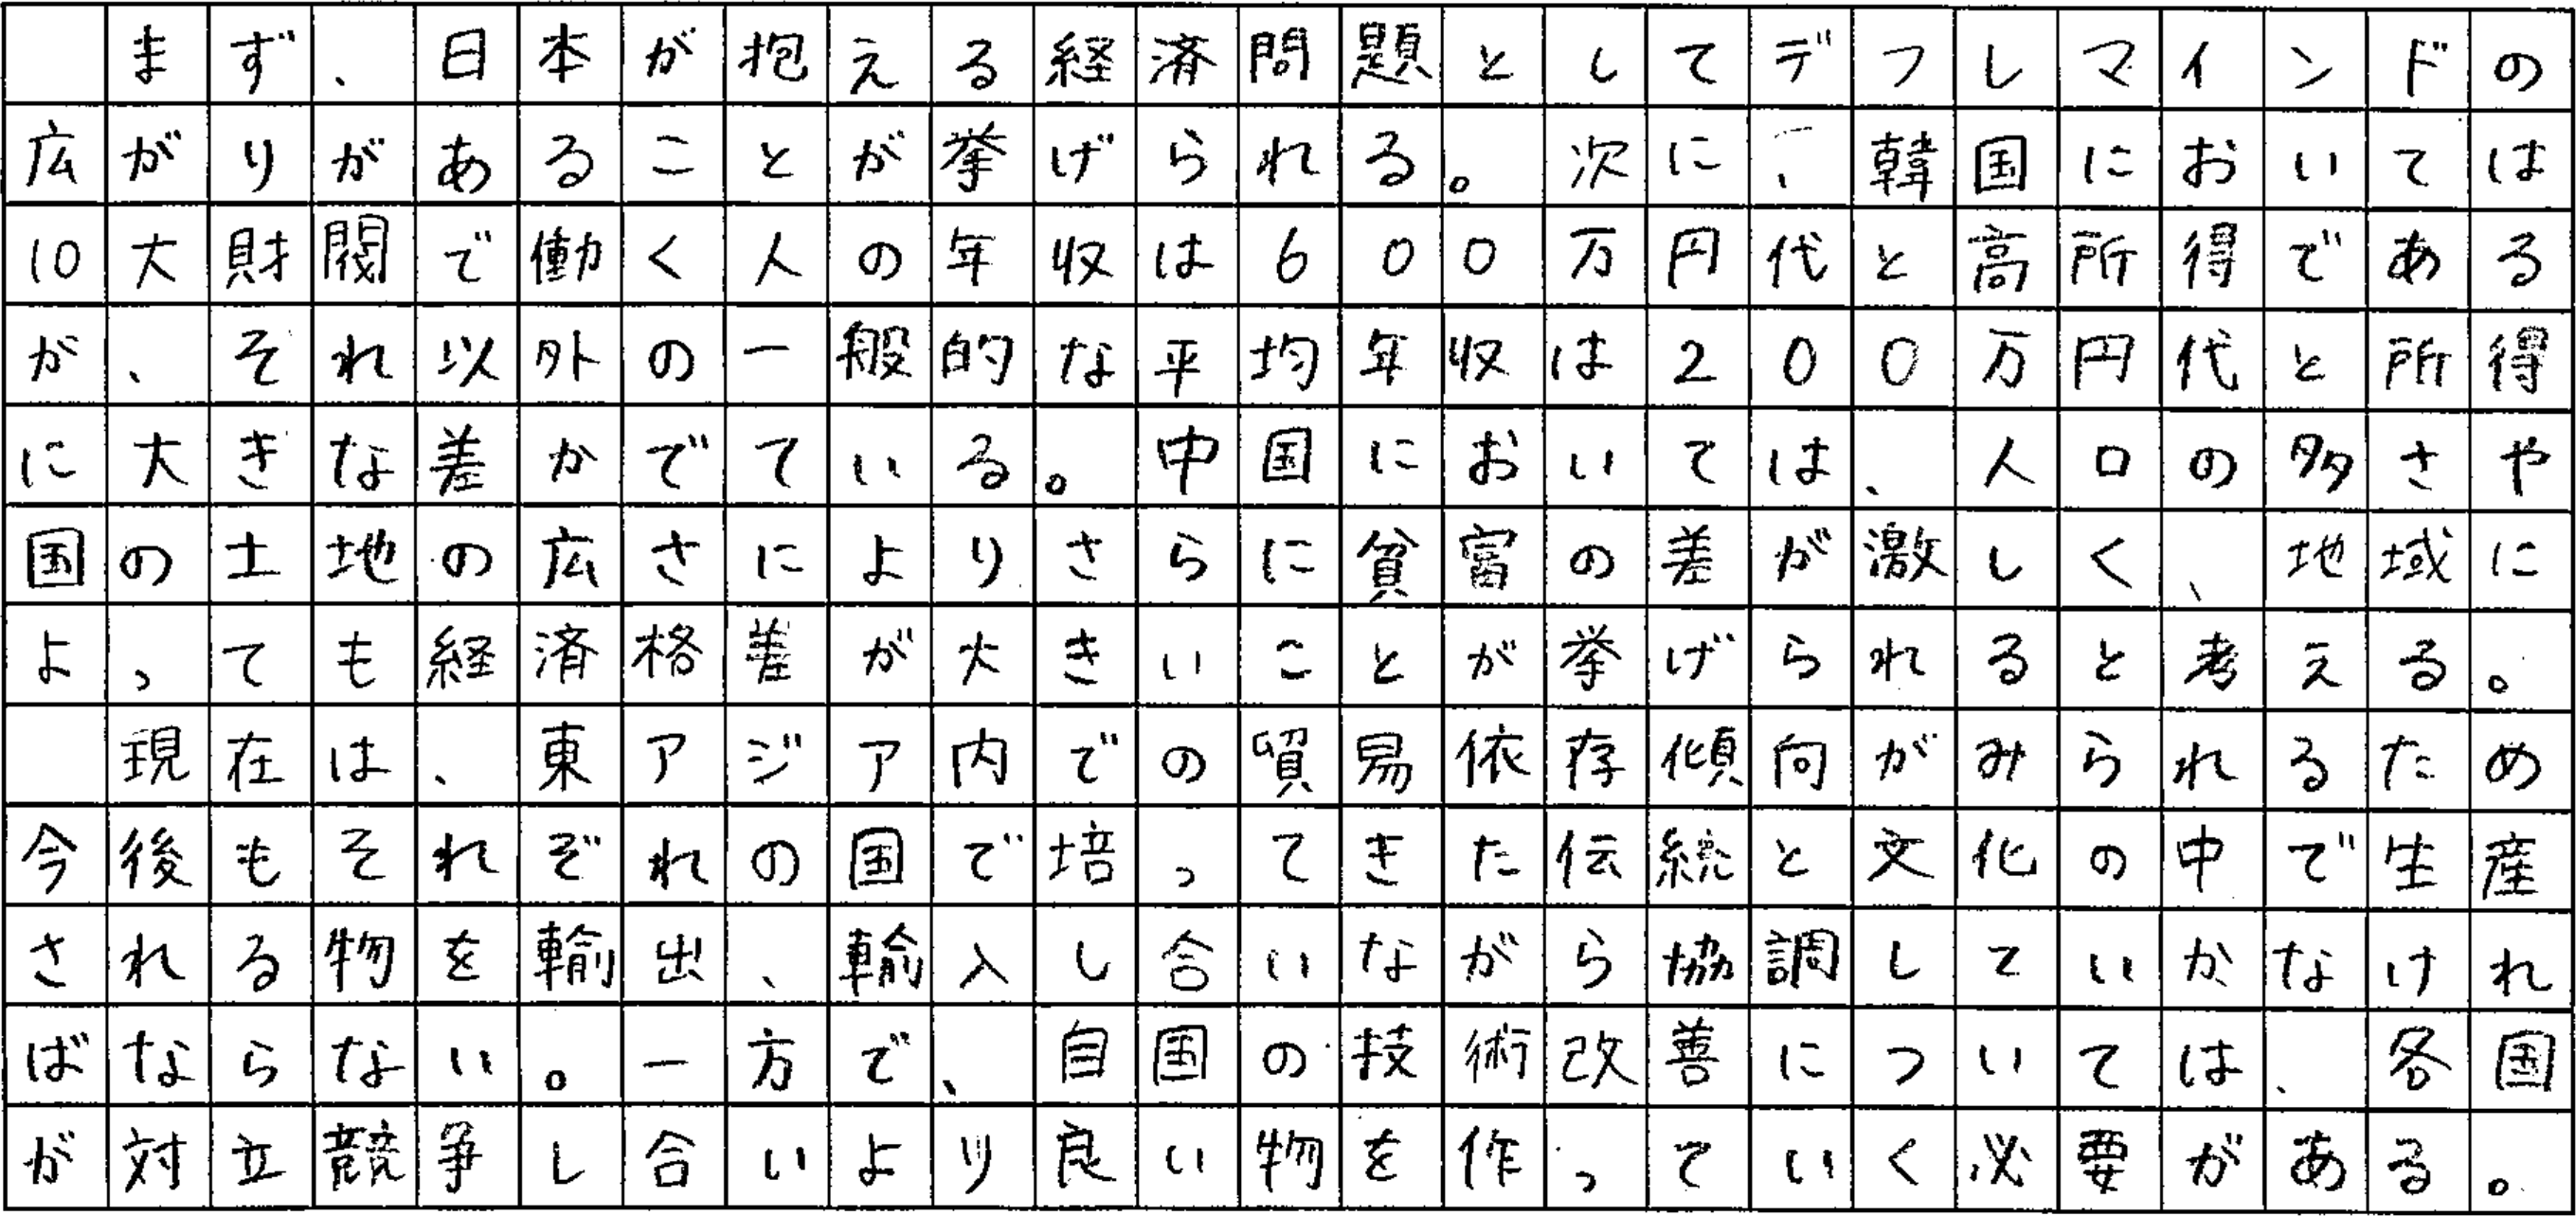　まず、日本が抱える経済問題としてデフレマインドの広がりがあることが挙げられる。次に、韓国においては１０大財閥で働く人の年収は６００万円代と高所得であるが、それ以外の一般的な平均年収は２００万円代と所得に大きな差かでている。中国においては、人口の多さや国の土地の広さによりさらに貧富の差が激しく、地域によっても経済格差が大きいことが挙げられると考える。
　現在は、東アジア内での貿易依存傾向がみられるため今後もそれぞれの国で培ってきた伝統と文化の中で生産される物を輸出、輸入し合いながら協調していかなければならない。一方で、自国の技術改善については、各国が対立競争し合いより良い物を作っていく必要がある。
